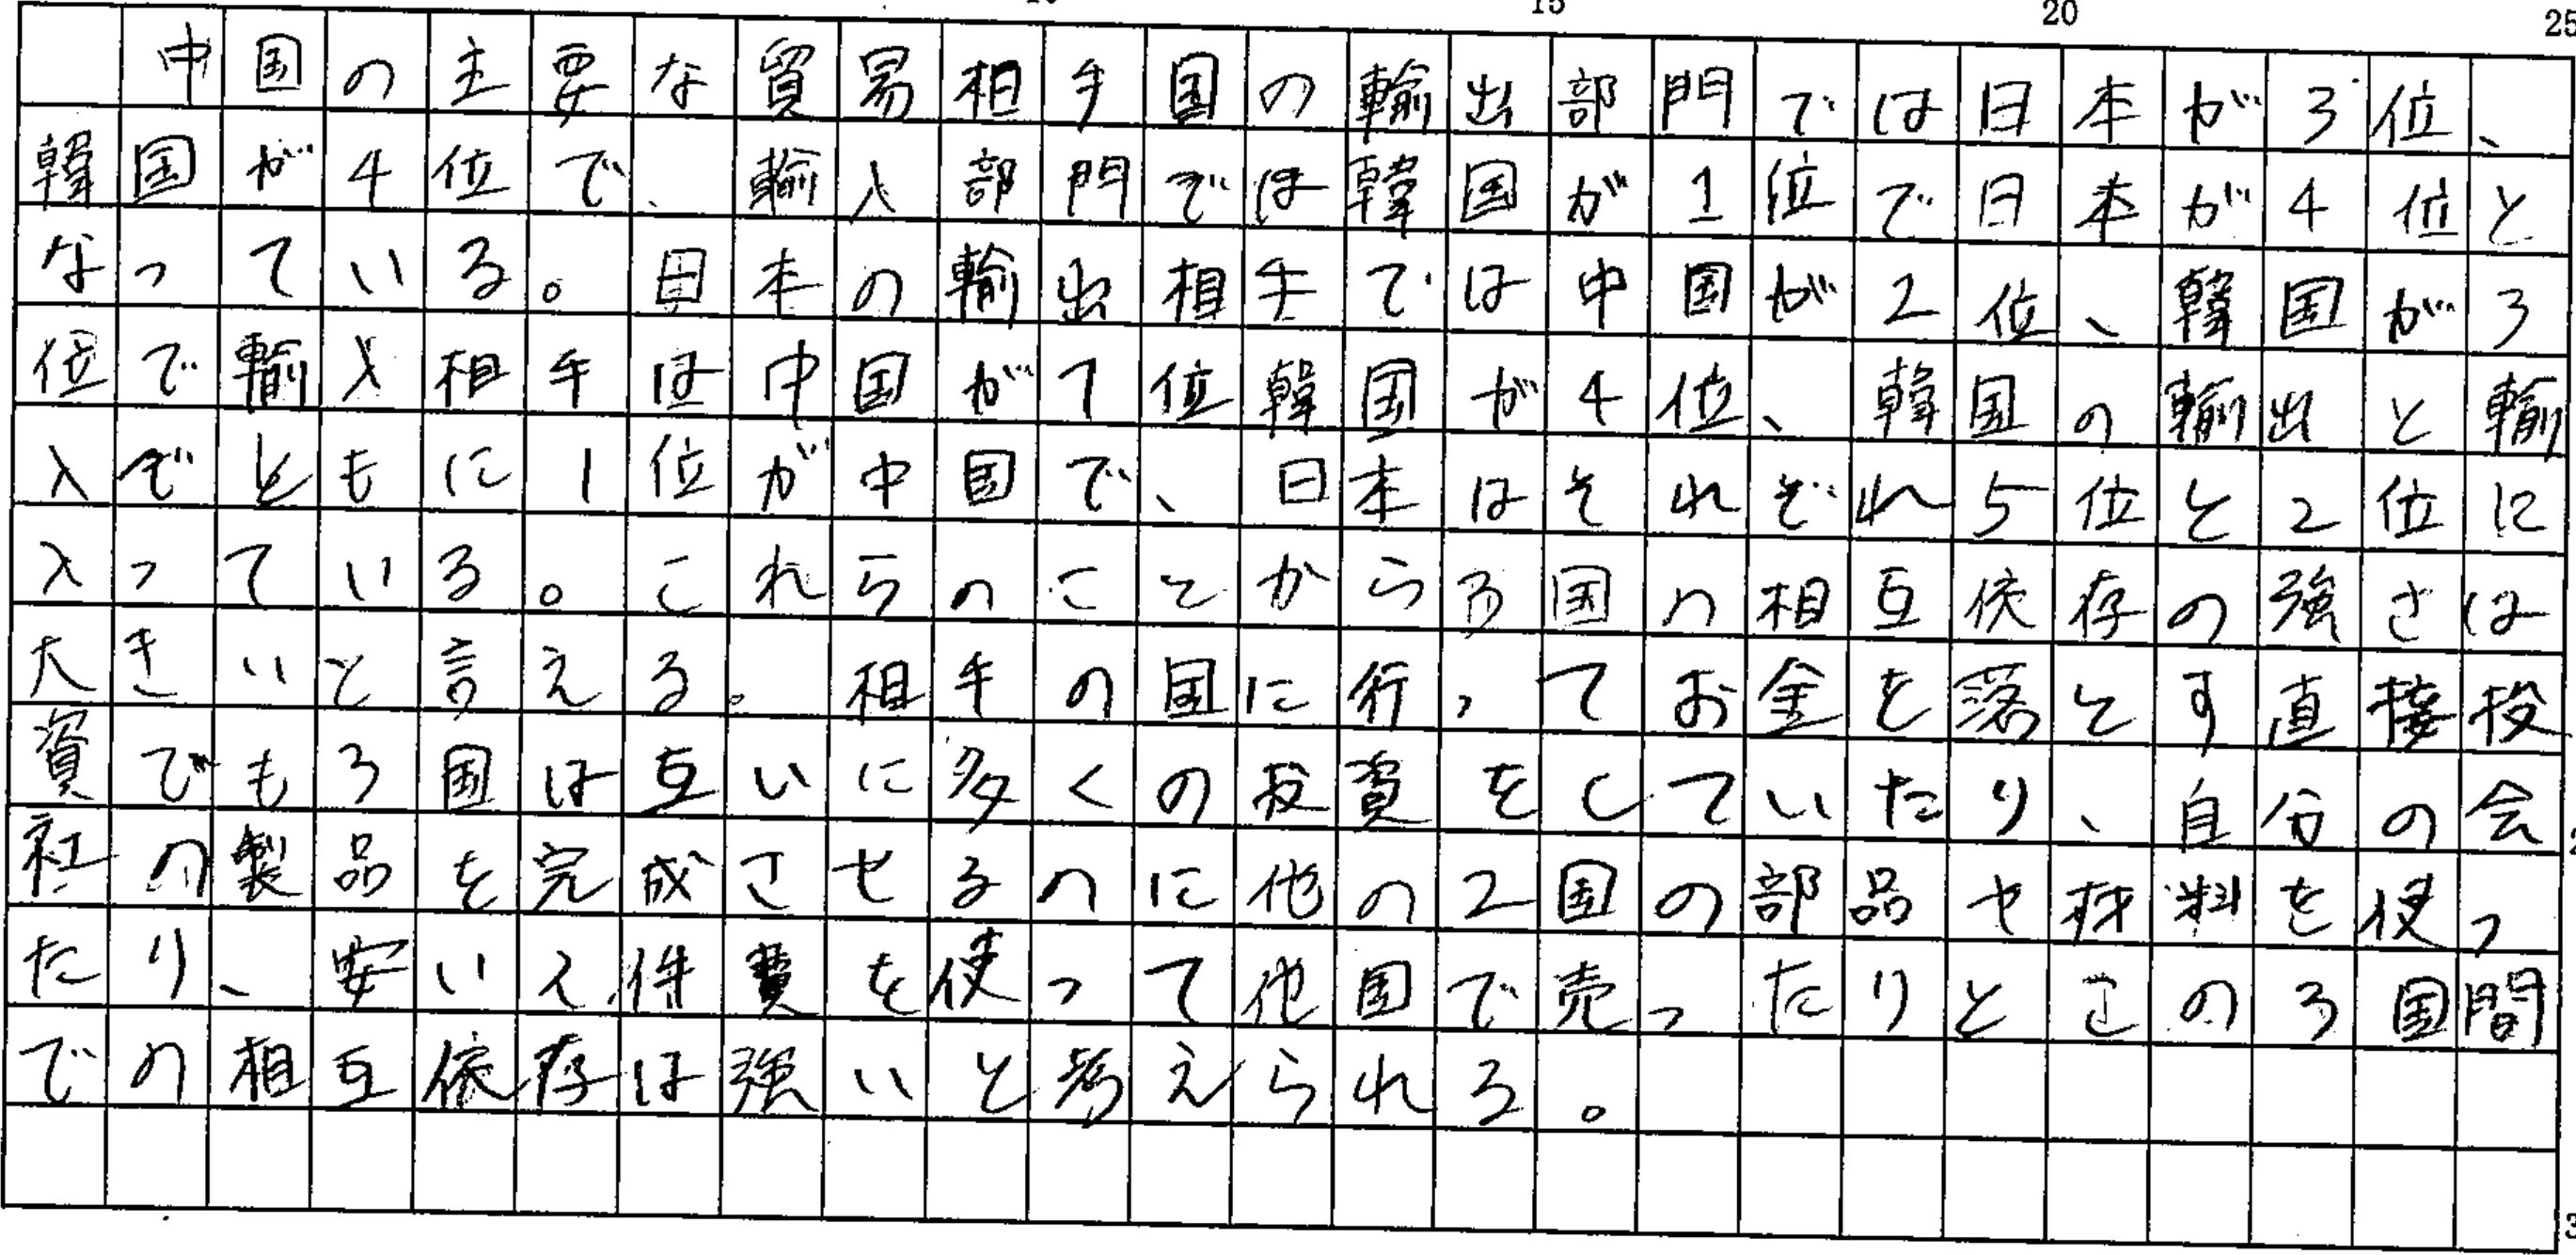　中国の主要な貿易相手国の輸出部門では日本が３位、韓国が４位で、輸入部門では韓国が１位で日本が４位となっている。日本の輸出相手では中国が２位、韓国が３位で輸入相手は中国が１位韓国が４位、韓国の輸出と輸入でともに１位が中国で、日本はそれぞれ５位と２位に入っている。これらのことから３国の相互▁存の強さは大きいと言える。相手の国に行ってお金を落とす直接投資でも３国は互いに多くの投資をしていたり、自分の会社の製品を完成させるのに他の２国の部品や材料を使ったり、安い人件費を使って他国で売ったりとこの３国間での相互依存は強いと考えられる。
